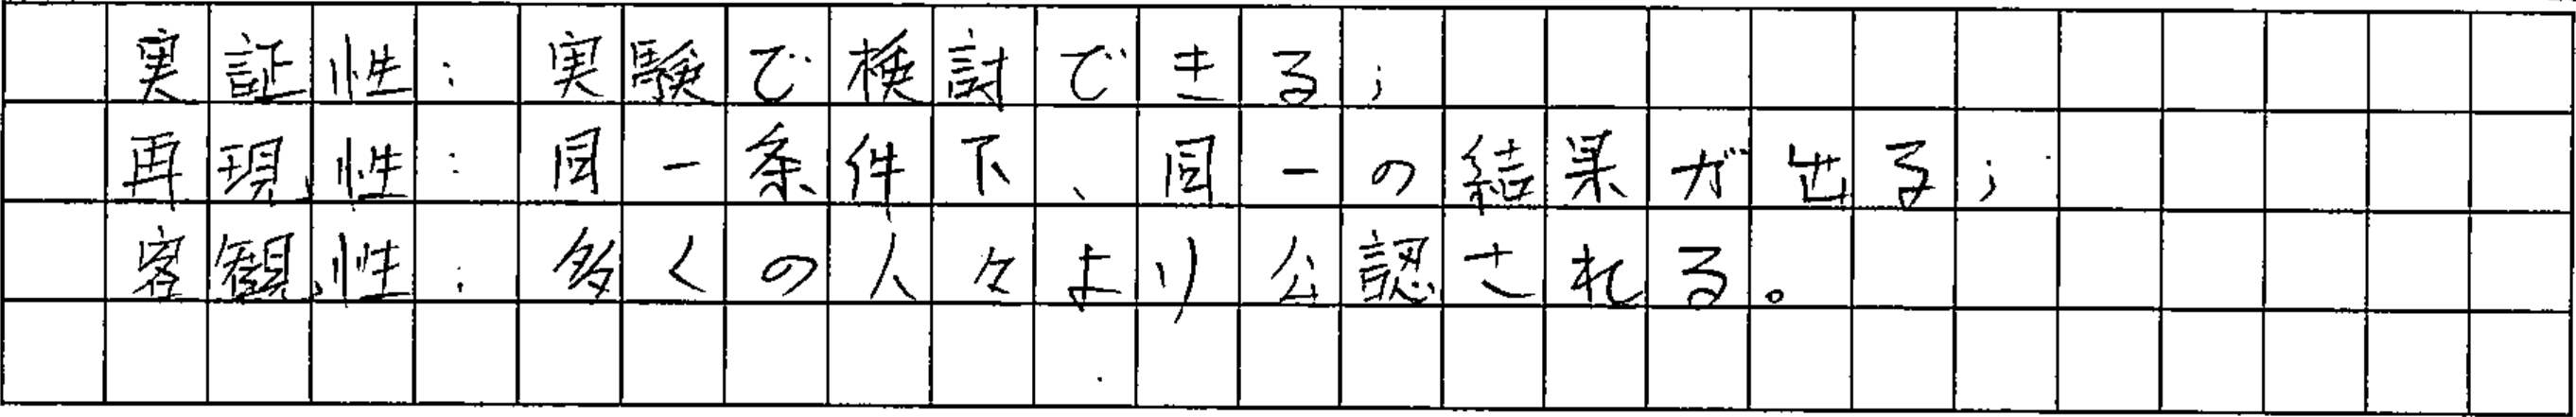　実証性：実験で検討できる；
　再現性：同一条件下、同一の結果が出る；
　客観性：多くの人々より公認される。
